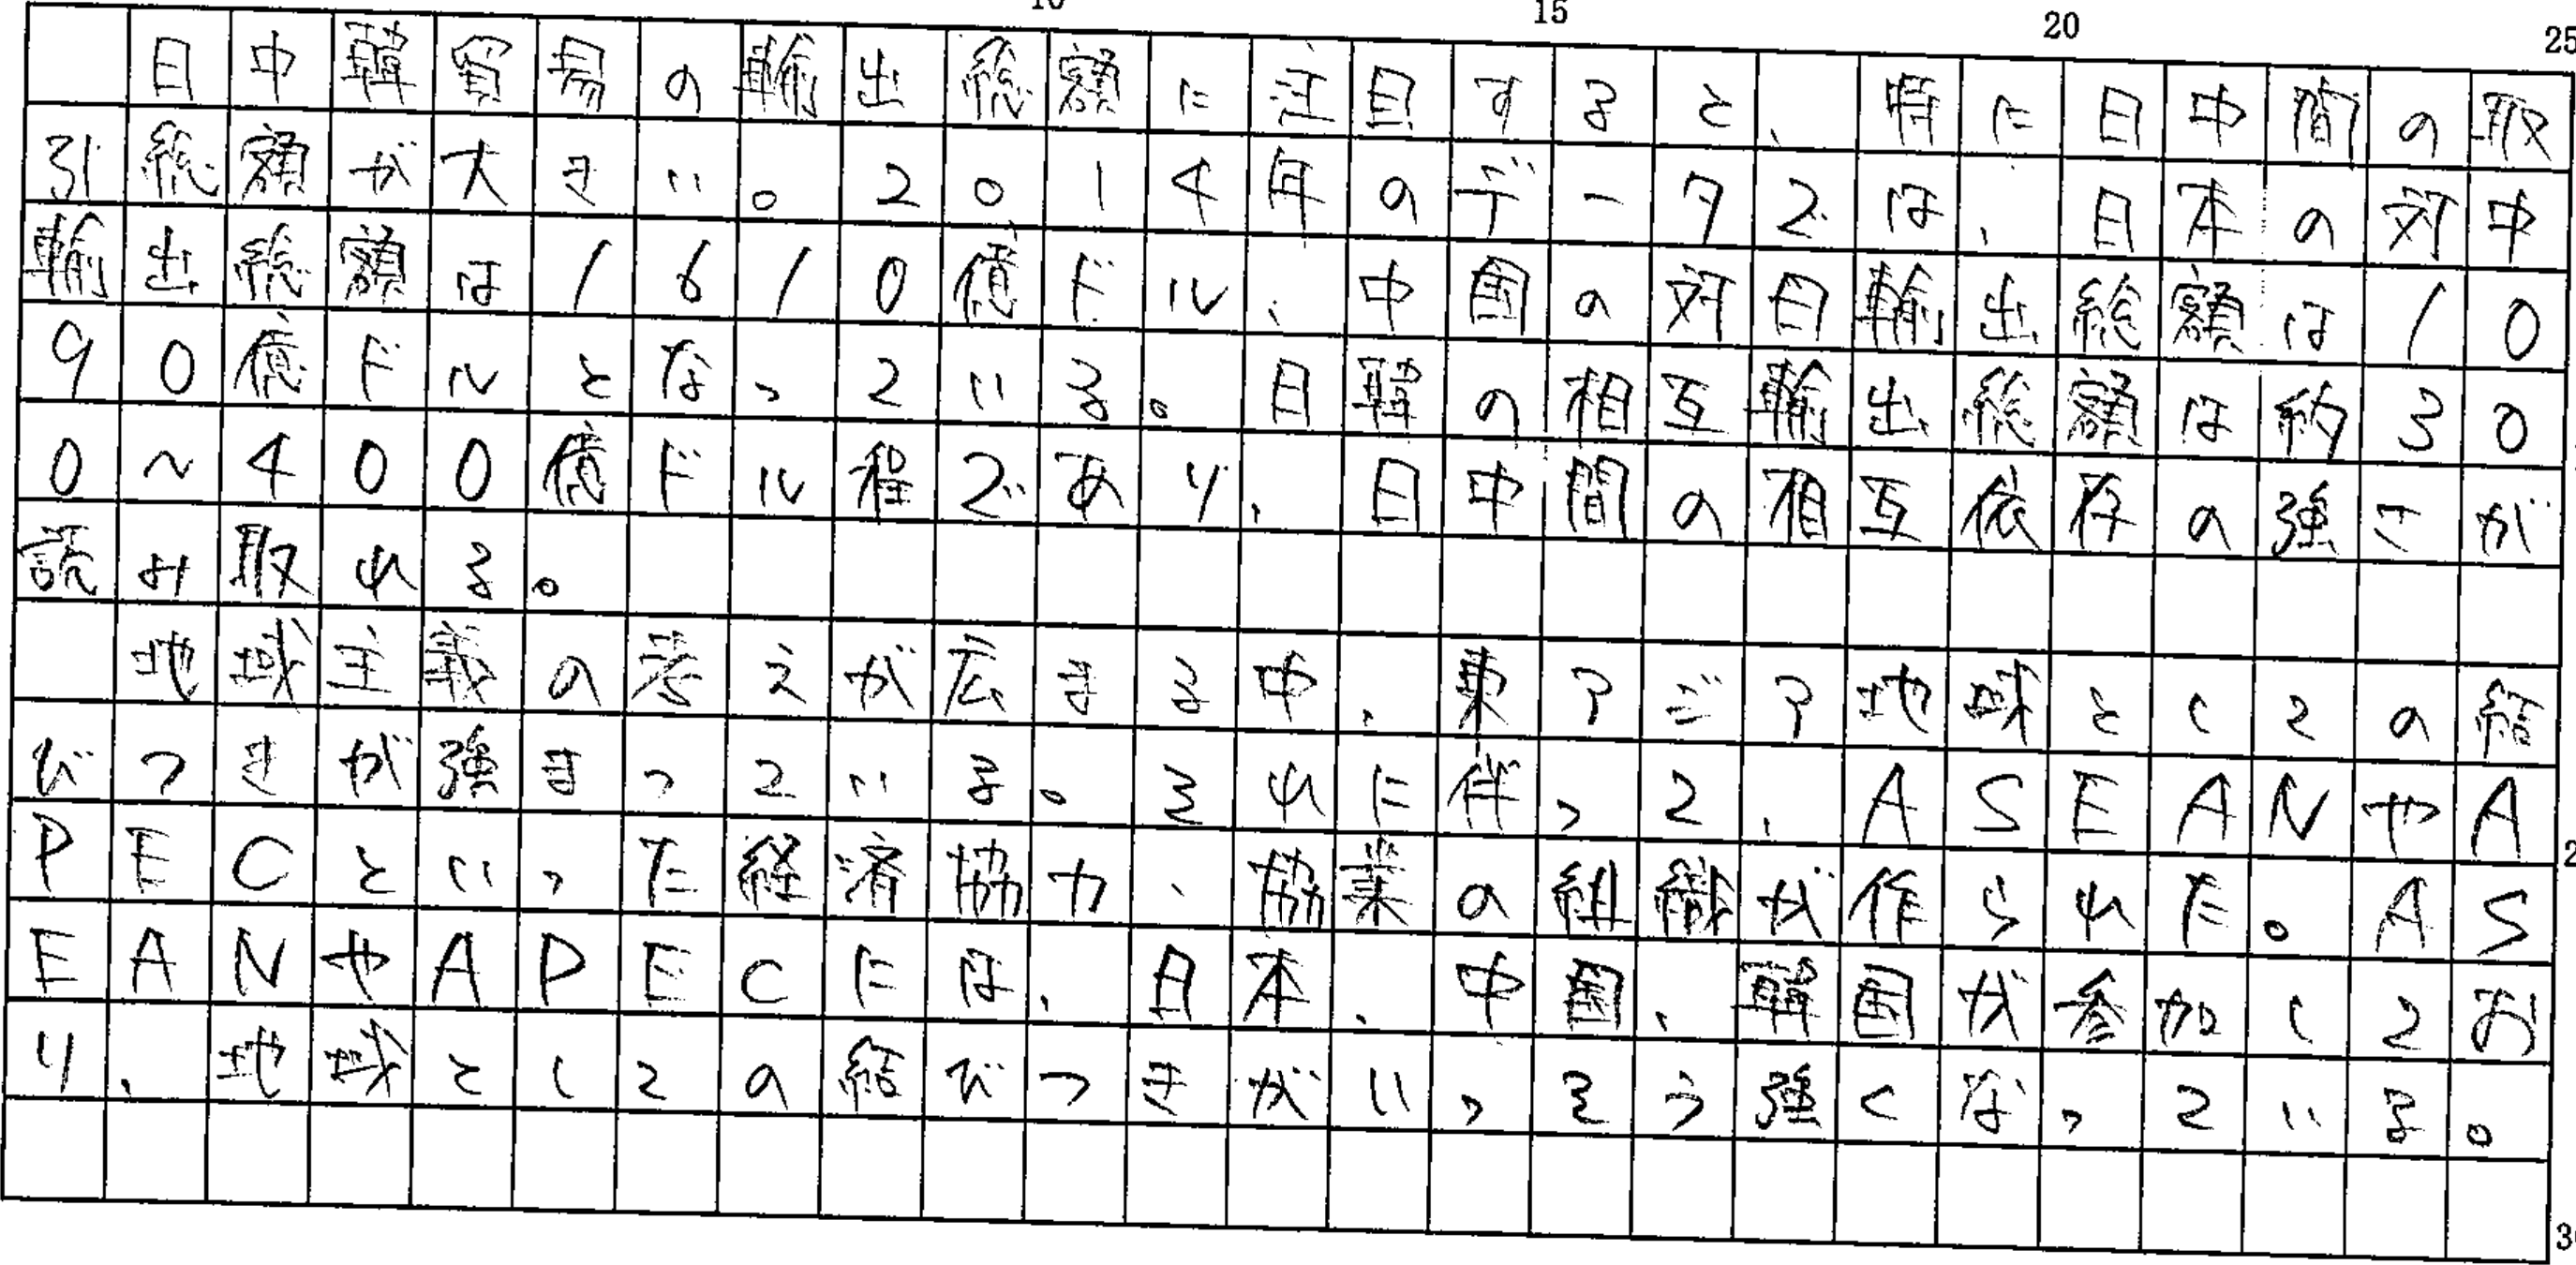　日中韓貿易の輸出総額に注目すると、特に日中間の取引総額が大きい。２０１４年のデータでは、日本の対中輸出総額は１６１０億ドル、中国の対日輸出総額は１０９０億ドルとなっている。日韓の相互輸出総額は約３００～４００億ドル程であり、日中間の相互依存の強さが読み取れる。
　地域主義の考えが広まる中、東アジア地域としての結びつきが強まっている。それに伴って、ＡＳＥＡＮやＡＰＥＣといった経済協力・協業の組織が作られた。ＡＳＥＡＮやＡＰＥＣには、日本、中国、韓国が参加しており、地域としての結びつきがいっそう強くなっている。
